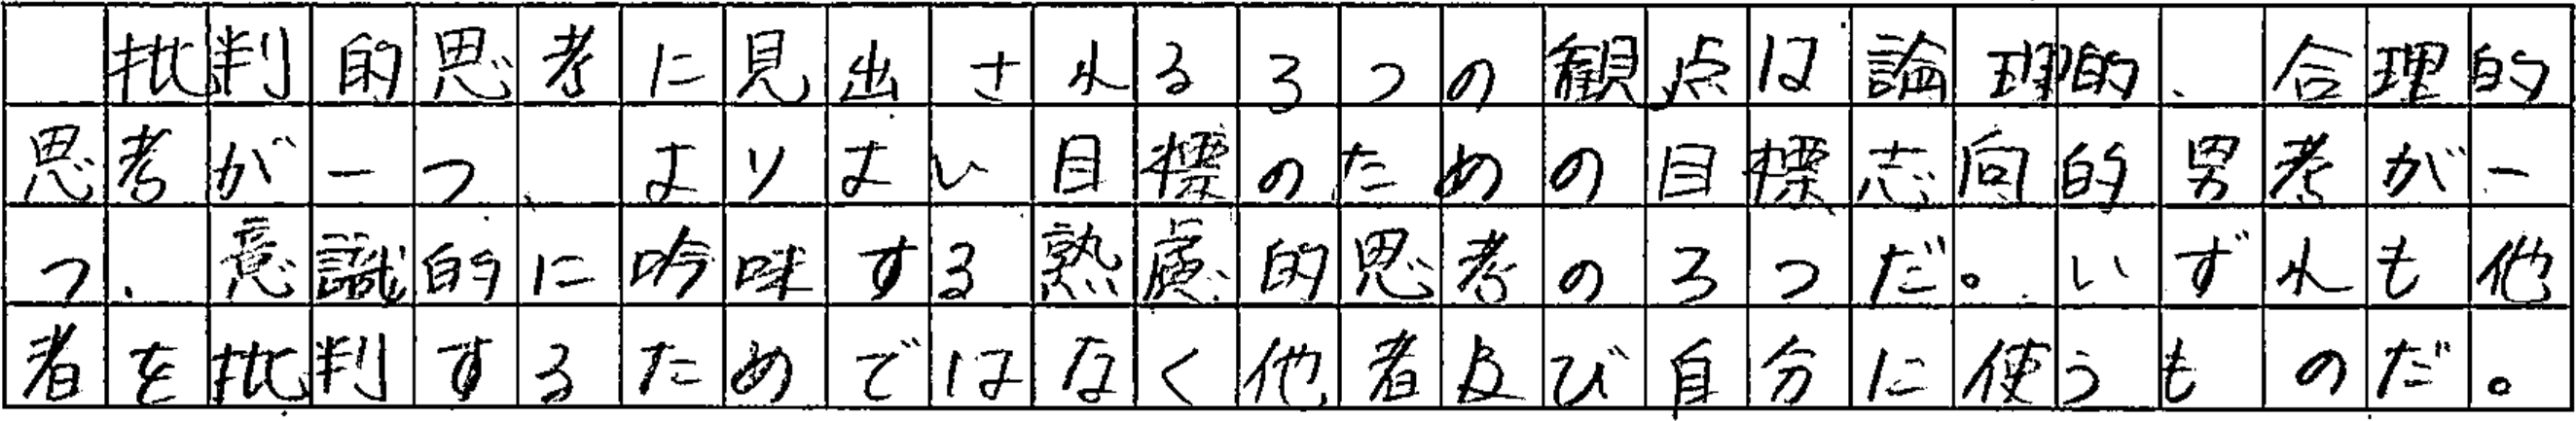　批判的思考に見出される３つの観点は論理的、合理的思考が一つ、よりよい目標のための目標志向的男考が一つ、意識的に吟味する熟慮的思考の３つだ。いずれも他者を批判するためではなく他者及び自分に使うものだ。
